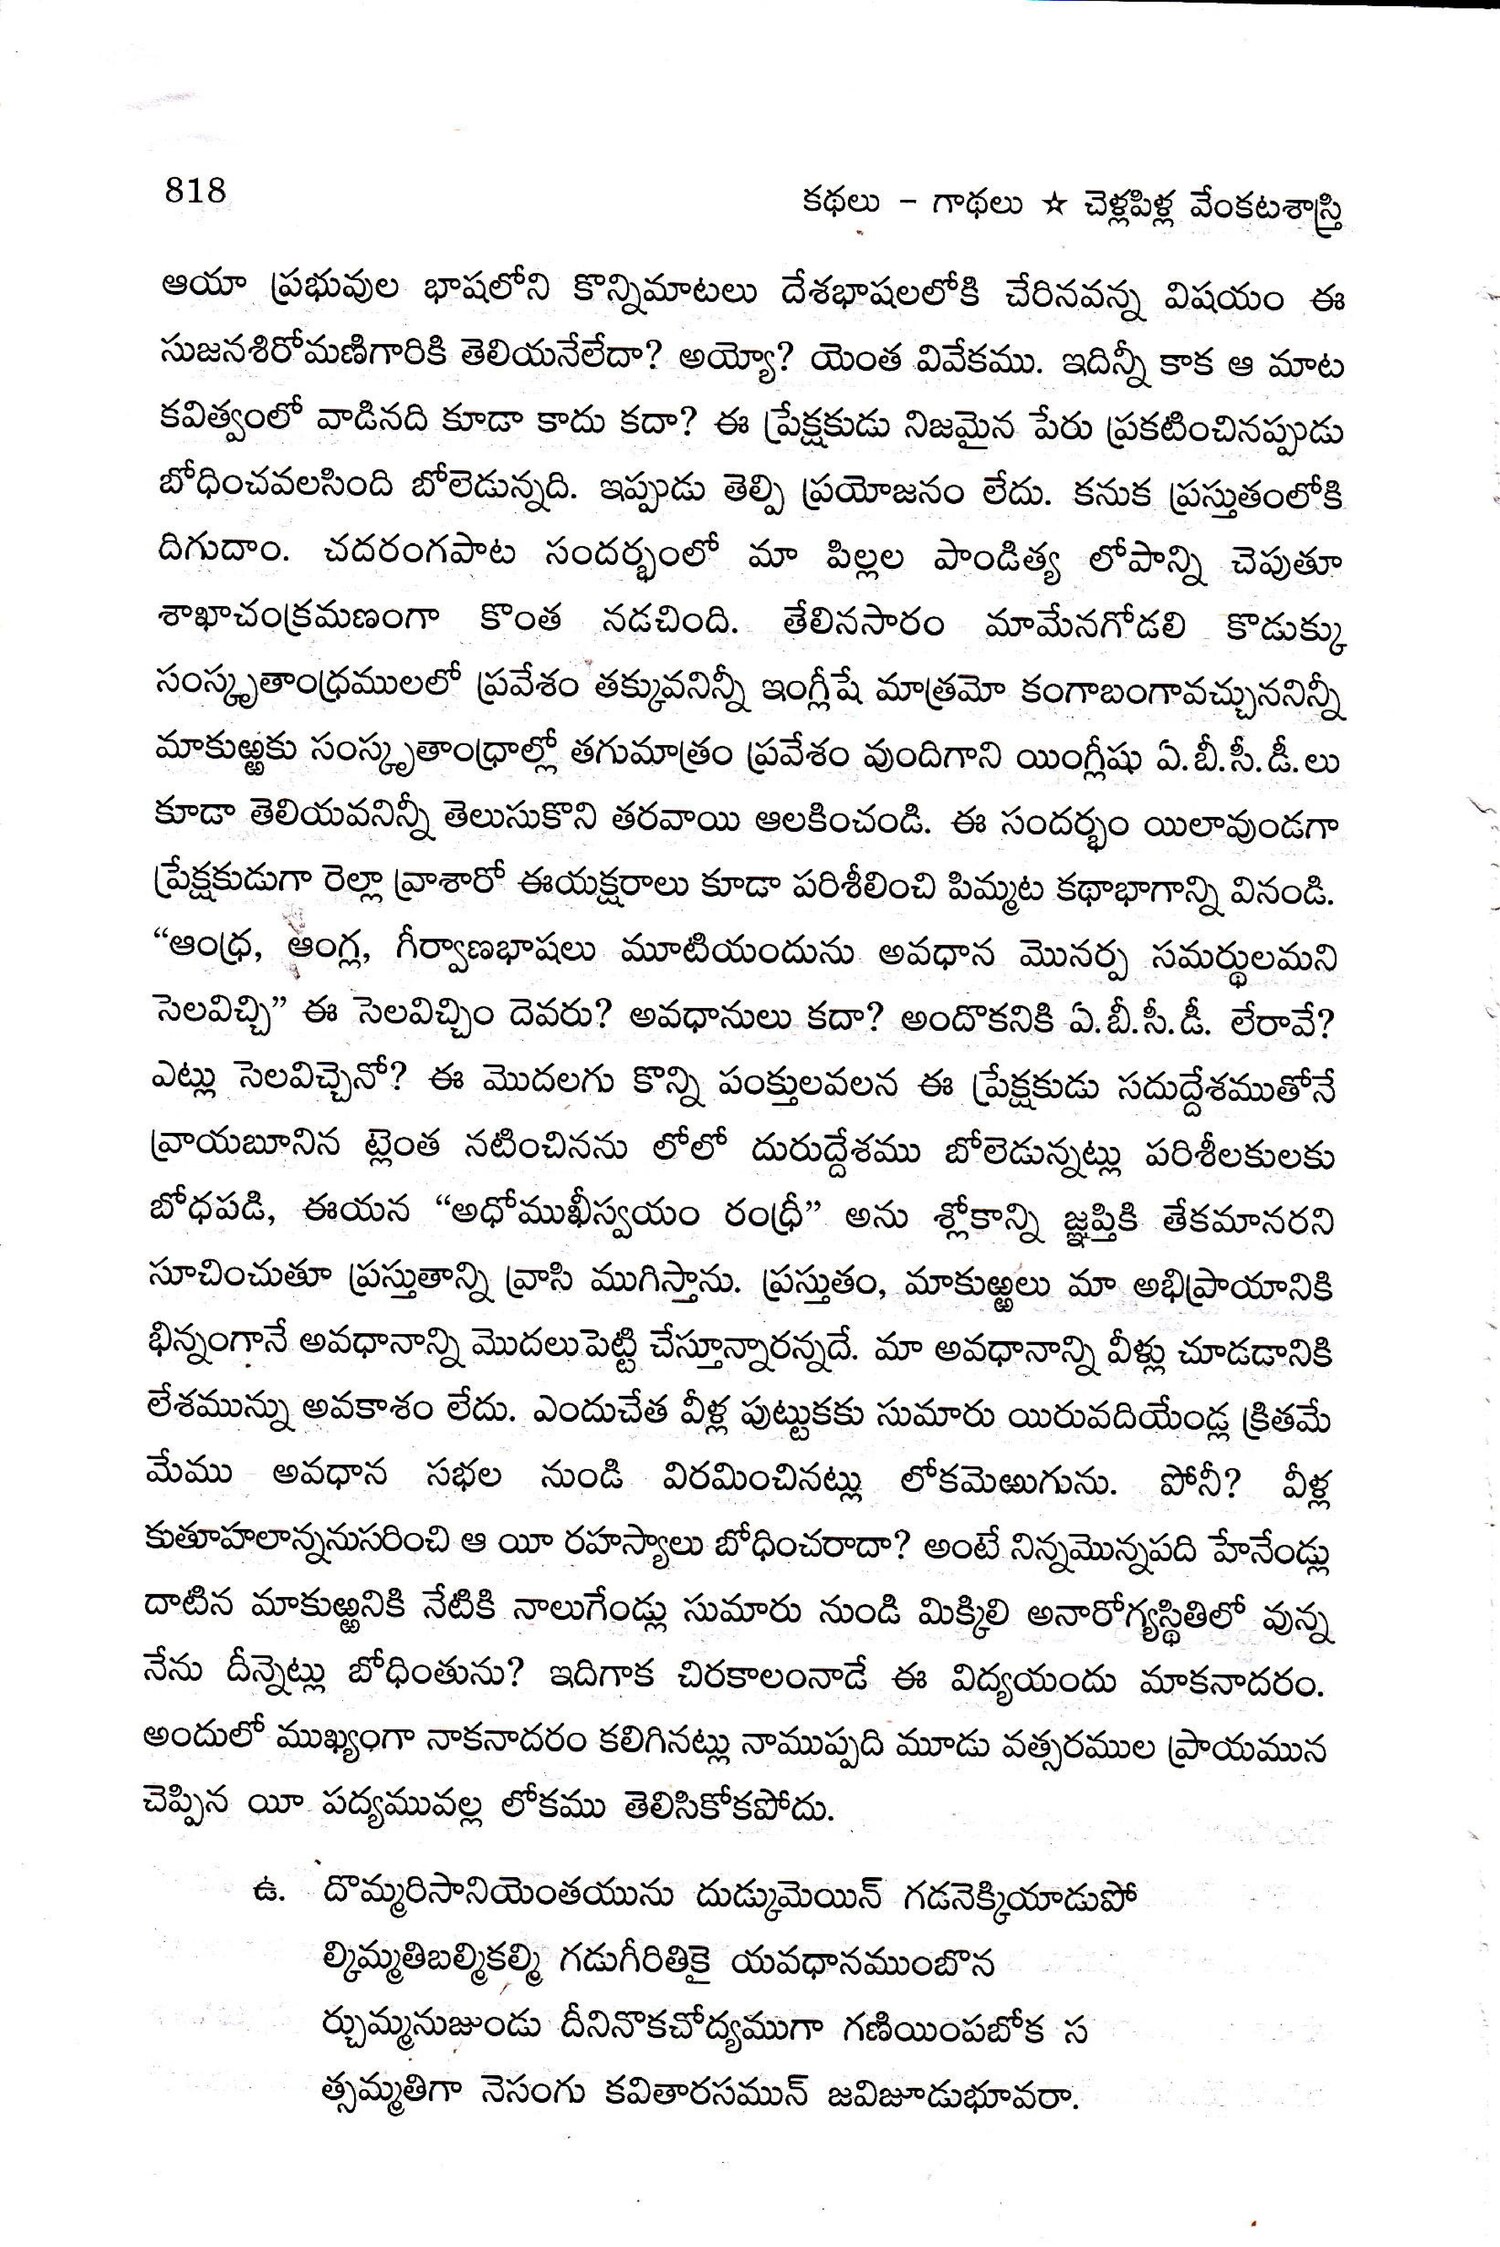ఆయా ప్రభువుల భాషలోని కొన్నిమాటలు దేశభాషలలోకి చేరినవన్న విషయం ఈ సుజనశిరోమణిగారికి తెలియనేలేదా? అయ్యో? యెంత వివేకము. ఇదిన్నీ కాక ఆ మాట కవిత్వంలో వాడినది కూడా కాదు కదా? ఈ ప్రేక్షకుడు నిజమైన పేరు ప్రకటించినప్పుడు బోధించవలసింది బోలెడున్నది. ఇప్పుడు తెల్పి ప్రయోజనం లేదు. కనుక ప్రస్తుతంలోకి దిగుదాం. చదరంగపాట సందర్భంలో మా పిల్లల పాండిత్య లోపాన్ని చెపుతూ శాఖాచంక్రమణంగా కొంత నడచింది. తేలినసారం మామేనగోడలి కొడుక్కు సంస్కృతాంధ్రములలో ప్రవేశం తక్కువనిన్నీ ఇంగ్లీషే మాత్రమో కంగాబంగావచ్చుననిన్నీ మాకుఱ్ఱకు సంస్కృతాంధ్రాల్లో తగుమాత్రం ప్రవేశం వుందిగాని యింగ్లీషు ఏ.బీ.సీ.డీ.లు కూడా తెలియవనిన్నీ తెలుసుకొని తరవాయి ఆలకించండి. ఈ సందర్భం యిలావుండగా ప్రేక్షకుడుగా రెల్లా వ్రాశారో ఈయక్షరాలు కూడా పరిశీలించి పిమ్మట కథాభాగాన్ని వినండి. "ఆంధ్ర, ఆంగ్ల, గీర్వాణభాషలు మూటియందును అవధాన మొనర్ప సమర్థులమని సెలవిచ్చి" ఈ సెలవిచ్చిం దెవరు? అవధానులు కదా? అందొకనికి ఏ. బీ.సీ.డీ. లేరావే? ఎట్లు సెలవిచ్చెనో? ఈ మొదలగు కొన్ని పంక్తులవలన ఈ ప్రేక్షకుడు సదుద్దేశముతోనే వ్రాయబూనిన ట్లెంత నటించినను లోలో దురుద్దేశము బోలెడున్నట్లు పరిశీలకులకు బోధపడి, ఈయన "అధోముఖీస్వయం రంద్రీ" అను శ్లోకాన్ని జ్ఞప్తికి తేకమానరని సూచించుతూ ప్రస్తుతాన్ని వ్రాసి ముగిస్తాను. ప్రస్తుతం, మాకుఱ్ఱలు మా అభిప్రాయానికి భిన్నంగానే అవధానాన్ని మొదలుపెట్టి చేస్తూన్నారన్నదే. మా అవధానాన్నివీళ్లు చూడడానికి లేశమున్ను అవకాశం లేదు. ఎందుచేత వీళ్ల పుట్టుకకు సుమారు యిరువదియేండ్ల క్రితమే మేము అవధాన సభల నుండి విరమించినట్లు లోకమెఱుగును. పోనీ? వీళ్ల కుతూహలాన్ననుసరించి ఆ యీ రహస్యాలు బోధించరాదా? అంటే నిన్నమొన్నపది హేనేండ్లు దాటిన మాకుఱ్ఱనికి నేటికి నాలుగేండ్లు సుమారు నుండి మిక్కిలి అనారోగ్యస్థితిలో వున్న నేను దీన్నెట్లు బోధింతును? ఇదిగాక చిరకాలంనాడే ఈ విద్యయందు మాకనాదరం. అందులో ముఖ్యంగా నాకనాదరం కలిగినట్లు నాముప్పది మూడు వత్సరముల ప్రాయమున చెప్పిన యీ పద్యమువల్ల లోకము తెలిసికోకపోదు.

ఉ. దొమ్మరిసానియెంతయును దుడ్కుమెయిన్ గడనెక్కియాడుపో
 ల్కిమ్మతిబల్మికల్మి గడుగీరితికై యవధానముంబొన 
 రమ్మనుజుండు దీనినొకచోద్యముగా గణియింపబోక స 
 త్సమ్మతిగా నెసంగు కవితారసమున్ జవిజూడుభూవరా.